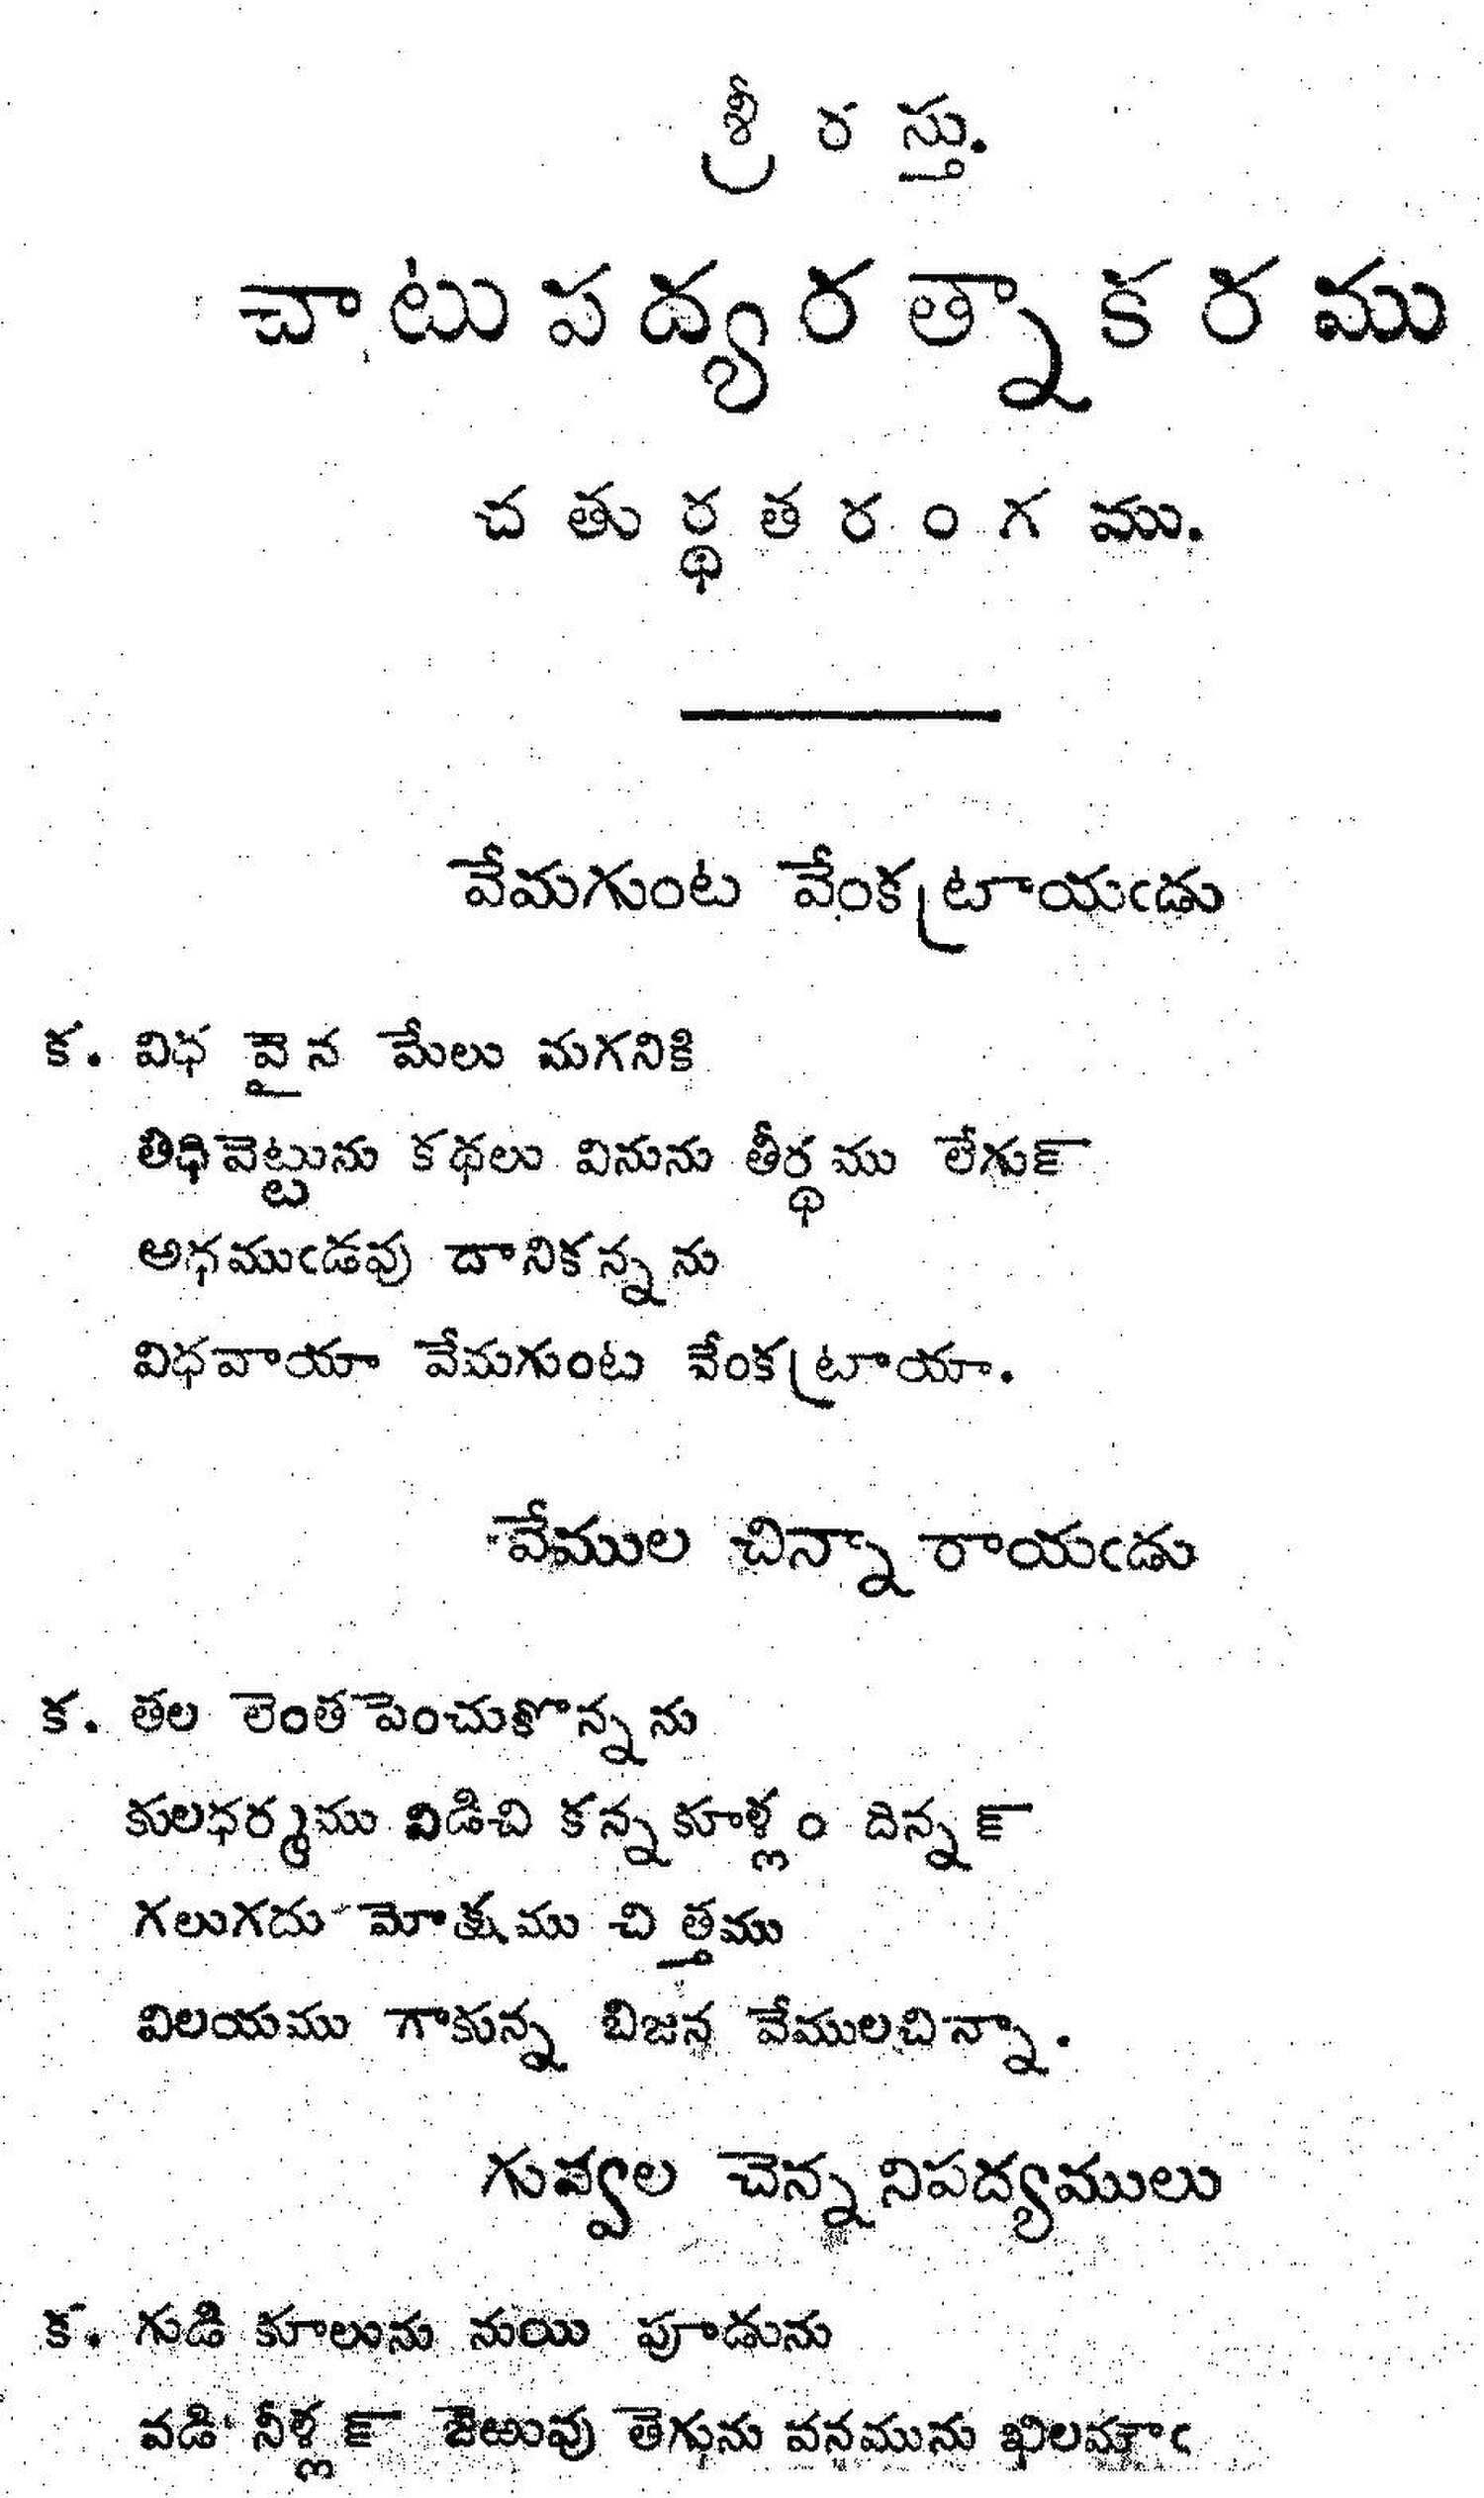క. విధ వైన మేలు మగనికి
 తిథి వెట్టును కథలు వినును తీర్థము లేగున్
 అధముఁడవు దానికన్నను
 విధవాయా వేమగుంట వేంకట్రాయా.

క. తల లెంత పెంచుకొన్నను
 కులధర్మము విడిచి కన్నకూళ్ళం దిన్నన్
 గలుగదు మోక్షము చిత్తము
 విలయము గాకున్న బిజన వేములచిన్నా.

క. గుడి కూలును నుయి పూడును
 వడినీళ్లన్ జెఱువు తెగును వనమును ఖిలమౌఁ